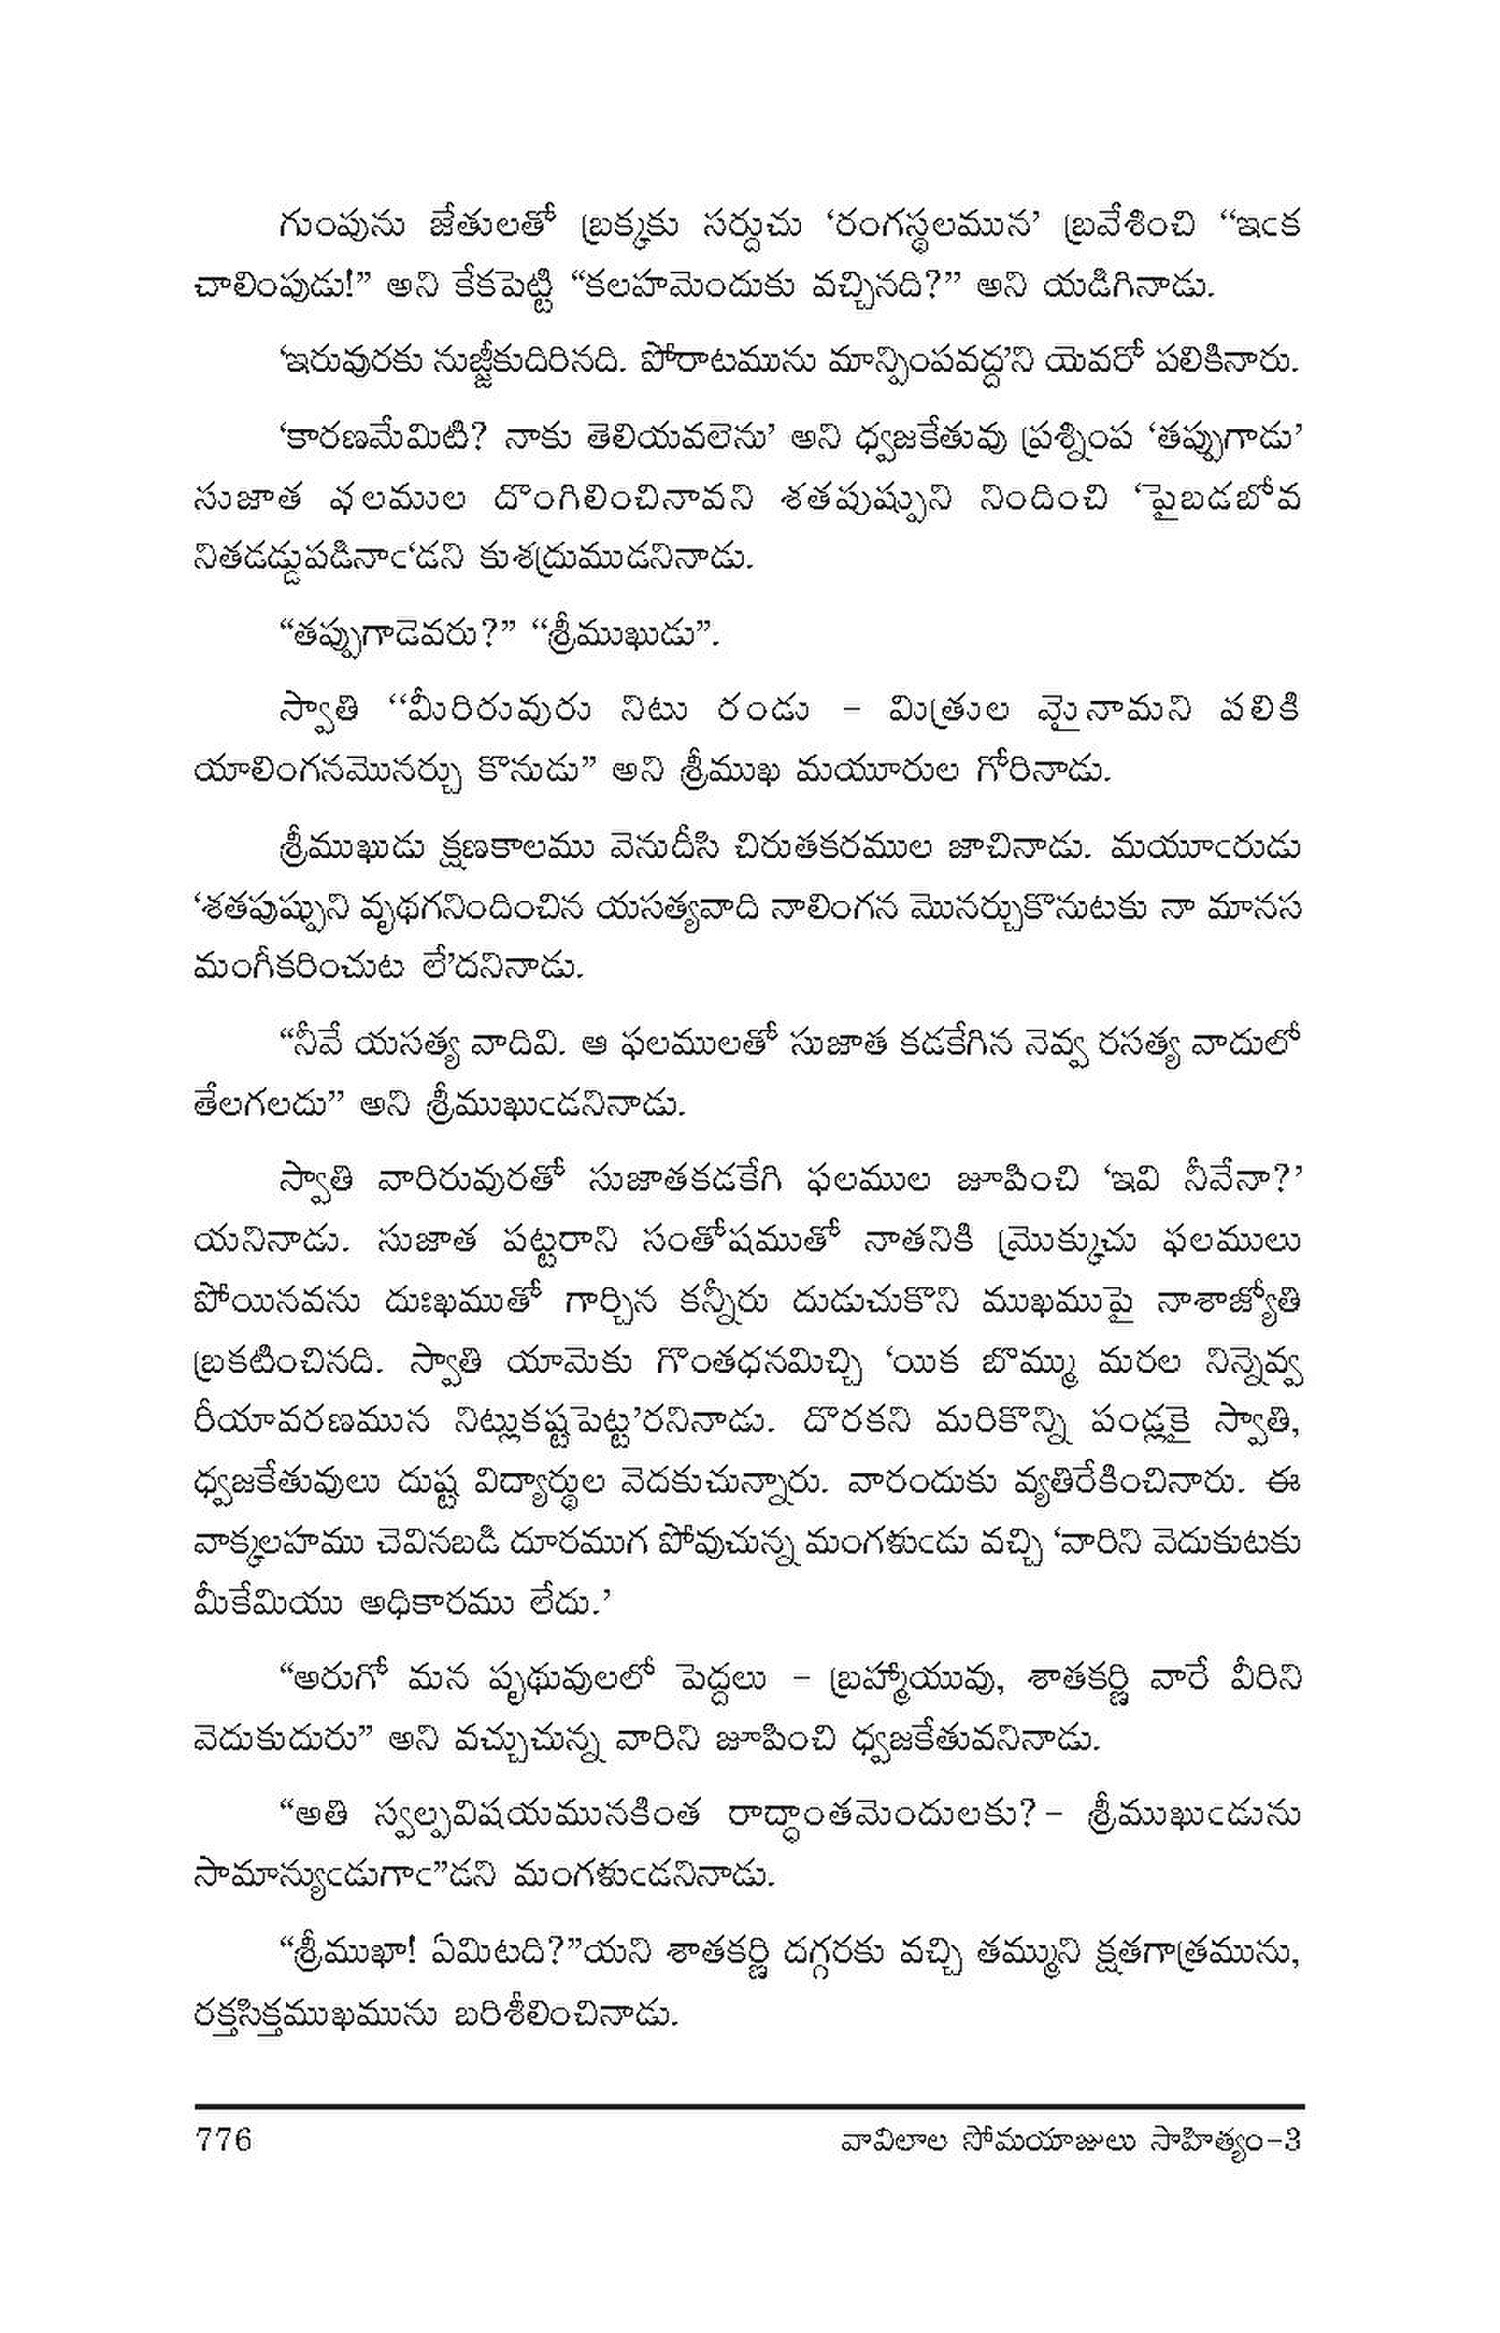గుంపును జేతులతో బ్రక్కకు సర్దుచు 'రంగస్థలమున' బ్రవేశించి “ఇంక చాలింపుడు!" అని కేకపెట్టి "కలహమెందుకు వచ్చినది?" అని యడిగినాడు.

'ఇరువురకు నుజ్జీకుదిరినది. పోరాటమును మాన్పింపవద్ద'ని యెవరో పలికినారు.

'కారణమేమిటి? నాకు తెలియవలెను' అని ధ్వజకేతువు ప్రశ్నింప 'తప్పుగాడు' సుజాత ఫలములు దొంగిలించినావని శతపుష్పుని నిందించి 'పైబడబోవ నితడడ్డుపడినాఁడని కుశద్రుముడనినాడు. “తప్పుగాడెవరు?” “శ్రీముఖుడు”.

స్వాతి “మీరిరువురు నిటు రండు మిత్రుల మైనామని పలికి
యాలింగనమొనర్చు కొనుడు" అని శ్రీముఖ మయూరుల గోరినాడు.

శ్రీముఖుడు క్షణకాలము వెనుదీసి చిరుతకరముల జాచినాడు. మయూఁరుడు 'శతపుష్పుని వృథగనిందించిన యసత్యవాది నాలింగన మొనర్చుకొనుటకు నా మానస మంగీకరించుట లేదనినాడు.

"నీవే యసత్య వాదివి. ఆ ఫలములతో సుజాత కడకేగిన నెవ్వ రసత్య వాదులో తేలగలదు" అని శ్రీముఖుఁడనినాడు. స్వాతి వారిరువురతో సుజాతకడకేగి ఫలముల జూపించి 'ఇవి నీవేనా?' యనినాడు. సుజాత పట్టరాని సంతోషముతో నాతనికి మ్రొక్కుచు ఫలములు పోయినవను దుఃఖముతో గార్చిన కన్నీరు దుడుచుకొని ముఖముపై నాశాజ్యోతి బ్రకటించినది. స్వాతి యామెకు గొంతధనమిచ్చి 'యిక బొమ్ము మరల నిన్నెవ్వ రీయావరణమున నిట్లుకష్టపెట్ట' రనినాడు. దొరకని మరికొన్ని పండ్లకై స్వాతి, ధ్వజకేతువులు దుష్ట విద్యార్థుల వెదకుచున్నారు. వారందుకు వ్యతిరేకించినారు. ఈ వాక్కలహము చెవినబడి దూరముగ పోవుచున్న మంగళుఁడు వచ్చి 'వారిని వెదుకుటకు మీకేమియు అధికారము లేదు.'

“అరుగో మన పృథువులలో పెద్దలు - బ్రహ్మాయువు, శాతకర్ణి వారే వీరిని వెదుకుదురు” అని వచ్చుచున్న వారిని జూపించి ధ్వజకేతువనినాడు.

“అతి స్వల్పవిషయమునకింత రాద్ధాంతమెందులకు? శ్రీముఖుఁడును సామాన్యుఁడుగాఁ"డని మంగళుఁడనినాడు.

"శ్రీముఖా! ఏమిటది?” యని శాతకర్ణి దగ్గరకు వచ్చి తమ్ముని క్షతగాత్రమును, రక్తసిక్తముఖమును బరిశీలించినాడు.